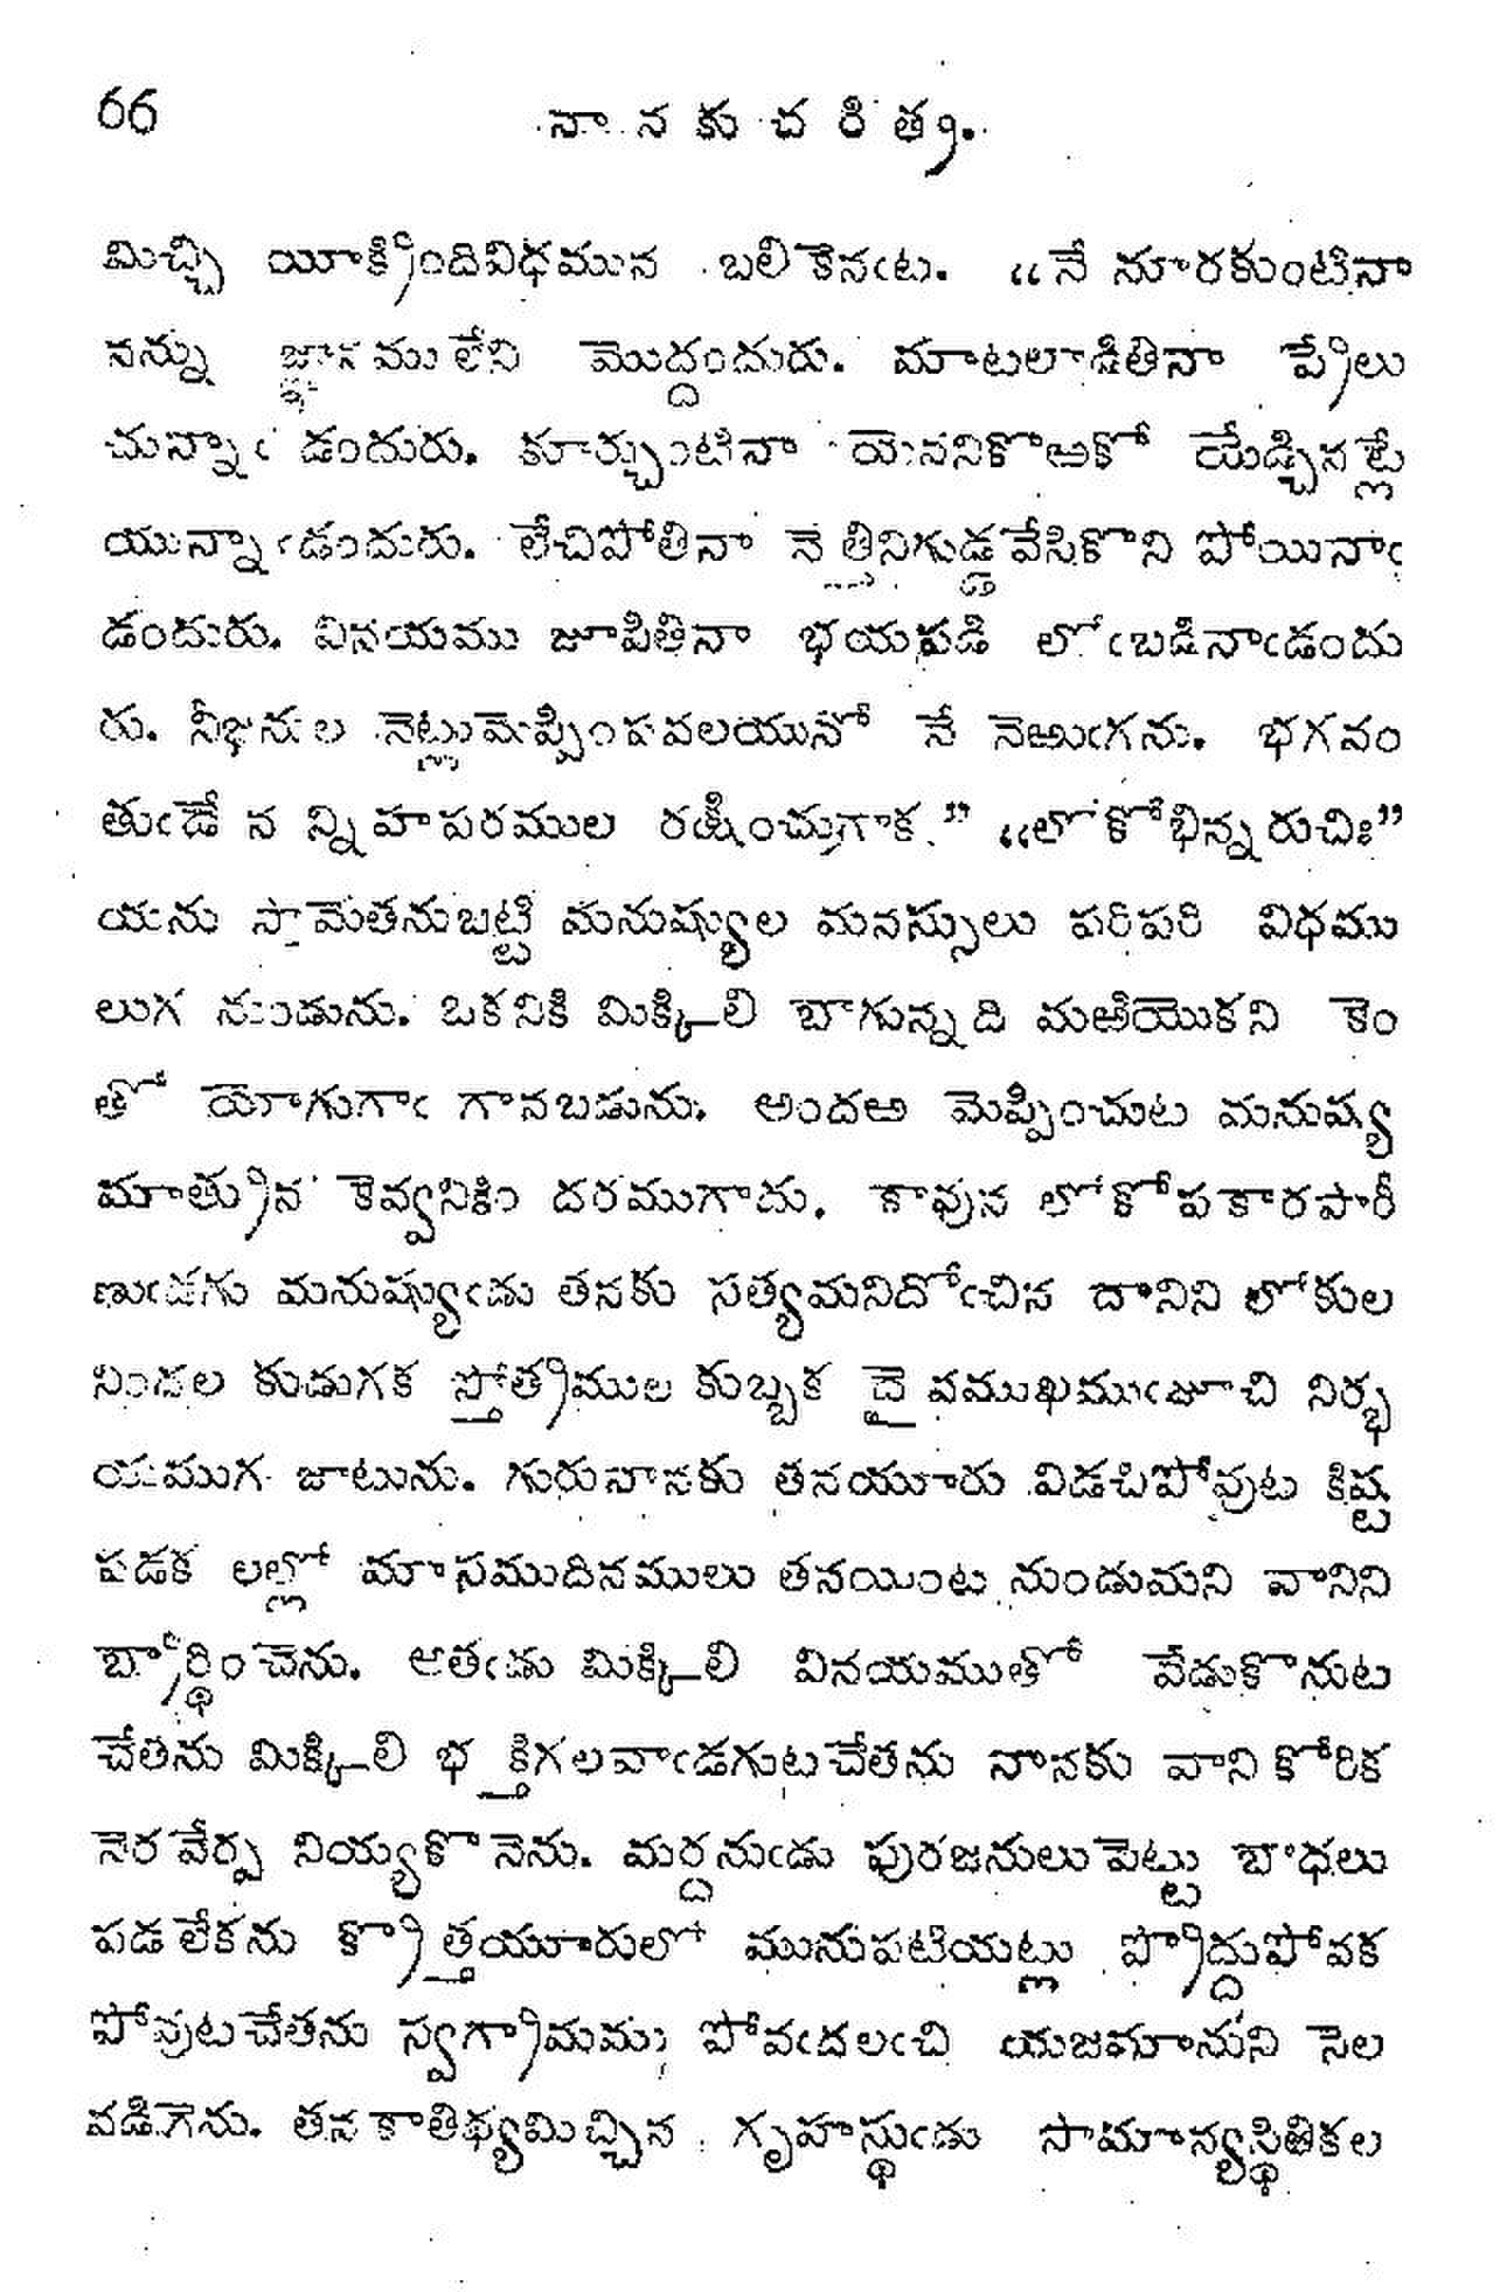మిచ్చి యీక్రిందివిధమున బలికెనట. "నే నూరకుంటినా నన్ను జ్ఞానములేని మొద్దందురు. మాటలాడితినా ప్రేలు చున్నాడందురు. కూర్చుంటినా యెవనికొఱకో యేడ్చినట్లే యున్నాడందురు. లేచిపోతినా నెత్తినిగుడ్డవేసికొని పోయినాడందురు. వినయము జూపితినా భయపడి లోబడినాడందురు. నీజనుల నెట్లుమెప్పింపవలయునో నే నెఱుగను. భగవంతుడే నన్నిహపరముల రక్షించుగాక." "లోకోభిన్నరుచి:" యను సామెతనుబట్టి మనుష్యుల మనస్సులు పరిపరి విధములుగ నుండును. ఒకనికి మిక్కిలి బాగున్నది మఱియొకని కెంతో యోగుగా గానబడును. అందఱ మెప్పించుట మనుష్య మాత్రున కెవ్వనికిం దరముగాదు. కావున లోకోపకారపారీణుడగు మనుష్యుడు తనకు సత్యమనిదోచిన దానిని లోకుల నిందల కుడుగక స్తోత్రముల కుబ్బక దైవముఖము జూచి నిర్భయముగ జాటును. గురునానకు తనయూరు విడచిపోవుట కిష్టపడక లల్లో మాసముదినములు తనయింట నుండుమని వానిని బ్రార్థించెను. అతడు మిక్కిలి వినయముతో వేడుకొనుట చేతను మిక్కిలి భక్తిగలవాడగుటచేతను నానకు వాని కోరిక నెరవేర్ప నియ్యకొనెను. మర్దనుడు పురజనులుపెట్టు బాధలు పడలేకను క్రొత్తయూరులో మునుపటియట్లు ప్రొద్దుపోవక పోవుటచేతను స్వగ్రామము పోవదలచి యజమానుని సెలవడిగెను. తనకాతిథ్యమిచ్చిన గృహస్థుడు సామాన్యస్థితికల